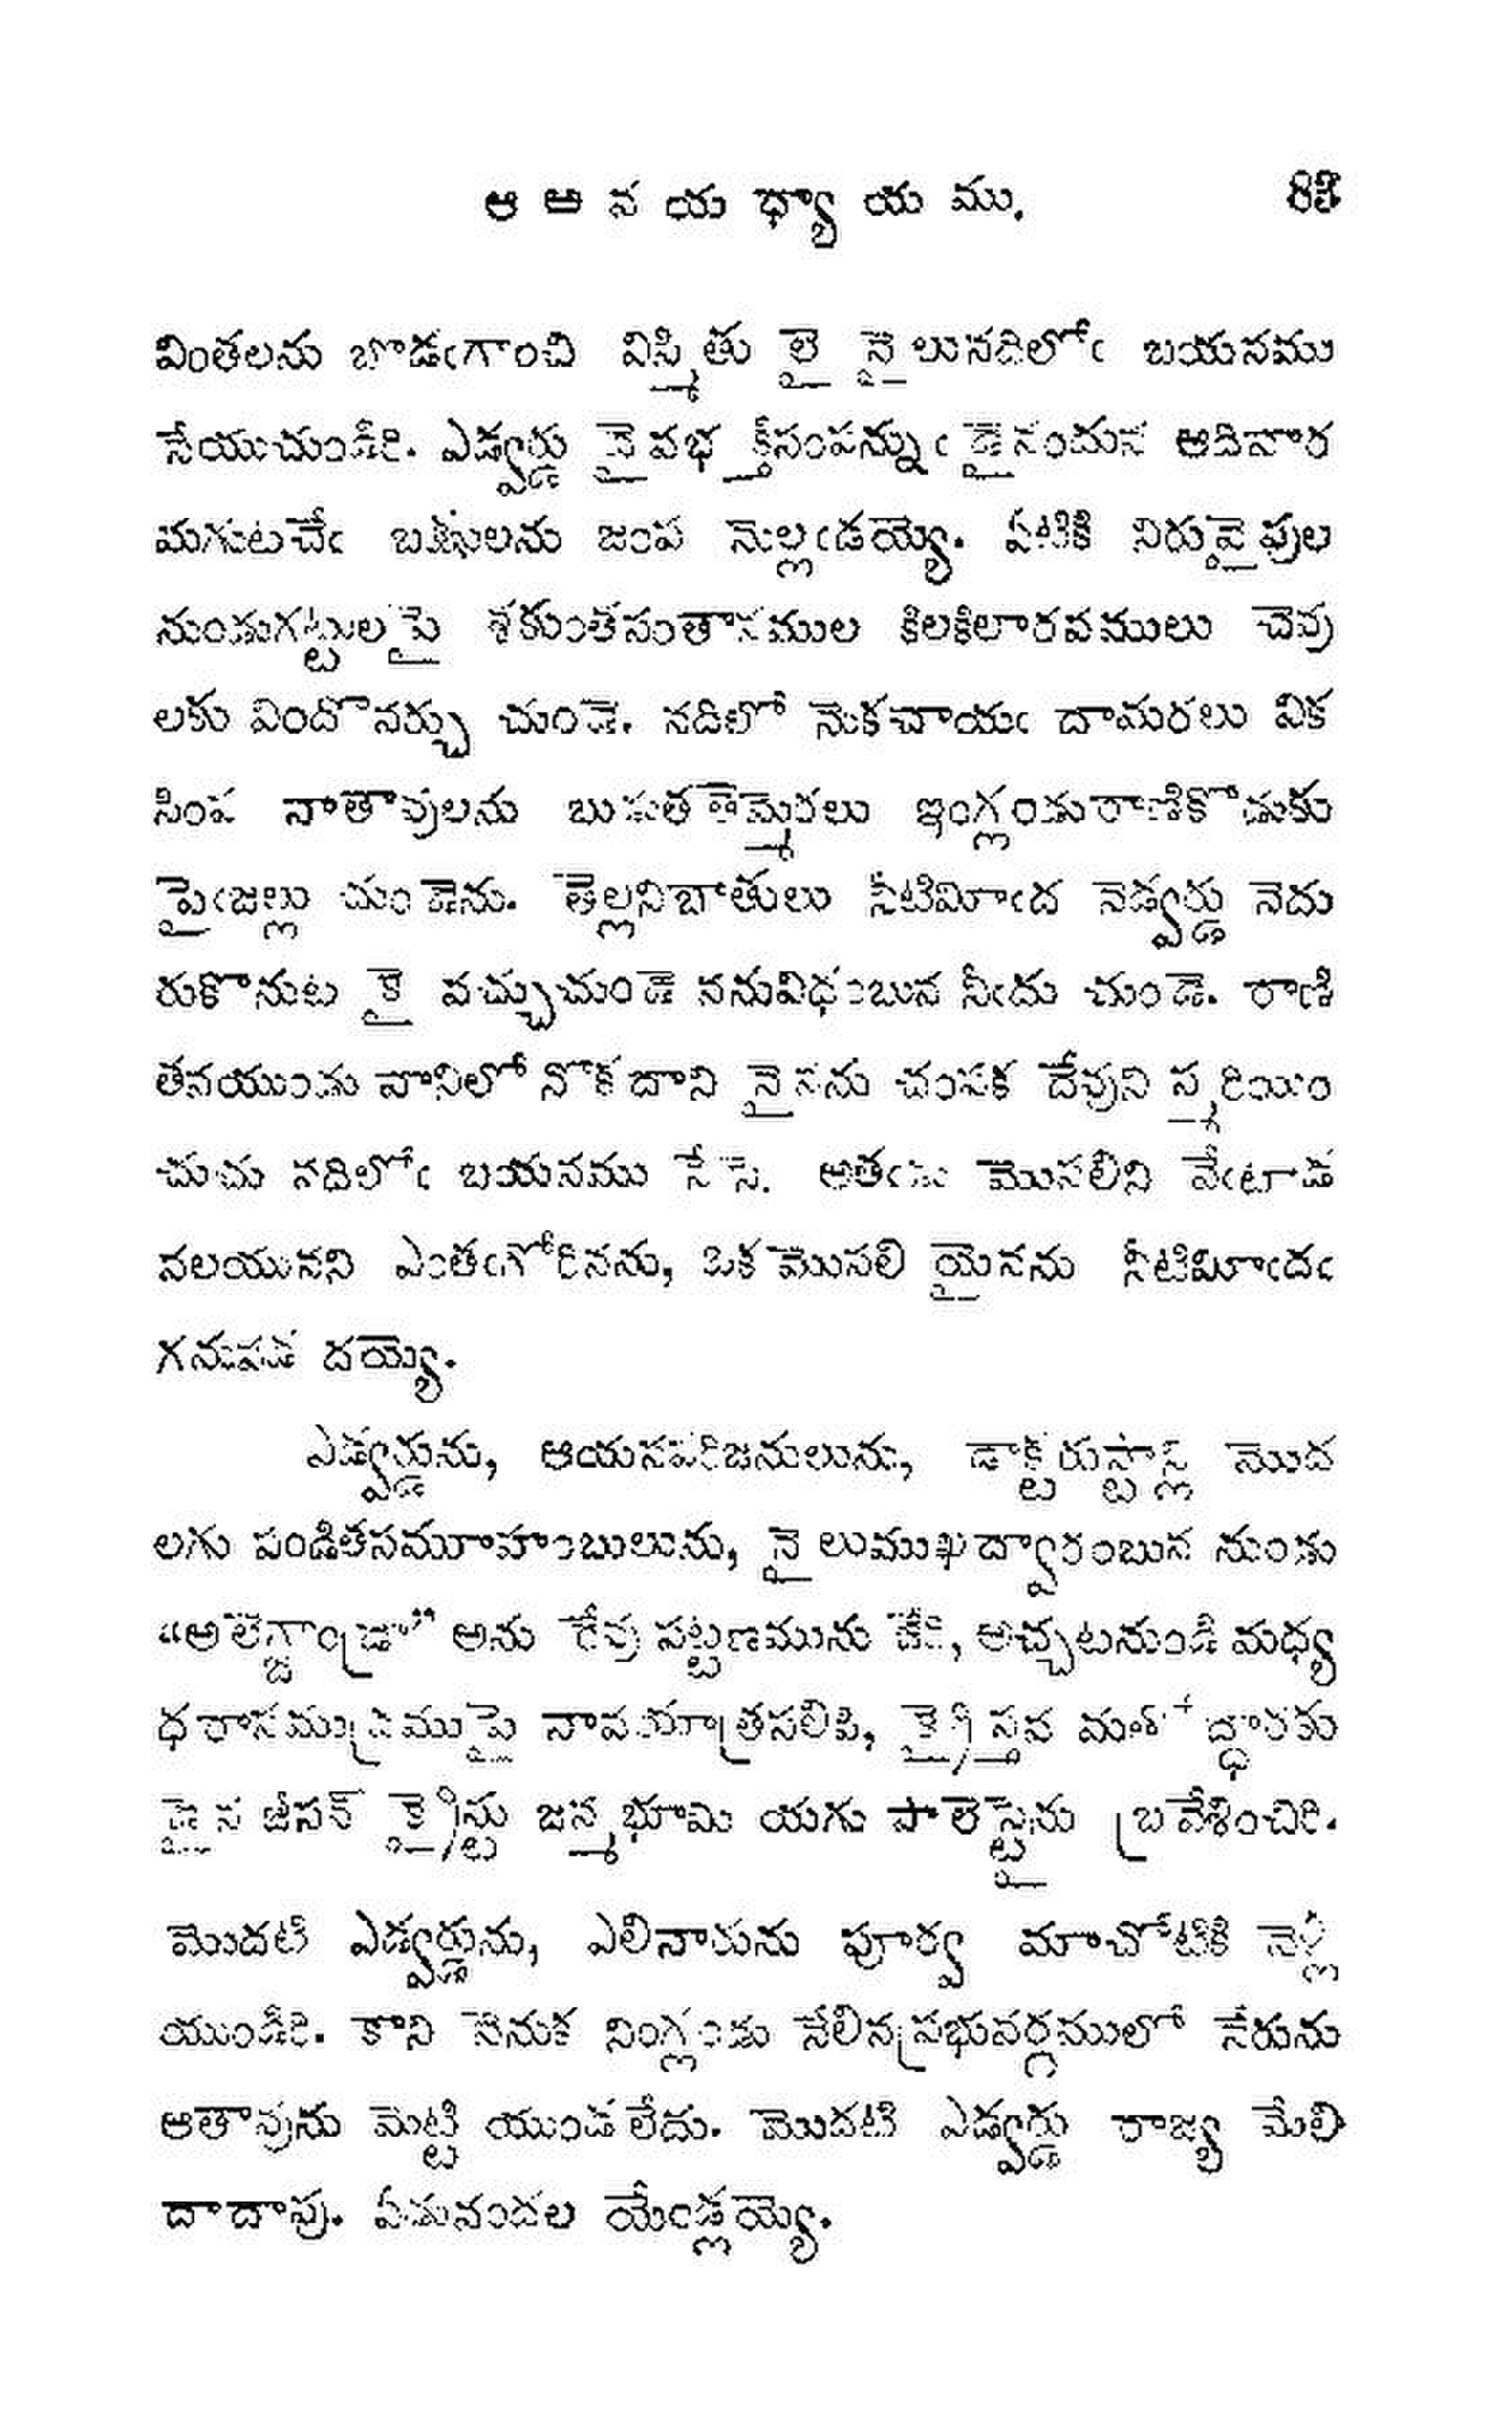వింతలను బొడఁగాంచి విస్మితులై నైలు నదిలో బయనము సేయుచుండిరి.... ఎడ్వర్డు దైవభ క్తిసంపన్ను దైనందున ఆదివారమగుటచేఁ బక్షులను జంప నొల్లఁడయ్యె. ఏటికి నిరువైపుల
నుండుగట్టులపై శకుంతలసంతానముల కిలకిలారవములు చెవులకు విందొనర్చు చుండె. నదిలో నొక చాయఁ దామరలు వికసింప. నాతావులను బుడుత తెమ్మెరలు ఇంగ్లండు రాణి కొడుకు
పైఁజల్లు చుండెను. తెల్లని బాతులు నీటిమీఁద నెడ్వర్డు నెదురుకొనుట కై వచ్చుచుండె నను విదంబున నీఁదు చుండె. రాణి తనయండు వానిలో నొక దాని నైనను చుంపక దేవుని స్మరియిం
చుచు నదిలో బయనము సేసె. అతని మొసలిని వేటాడివలయునని ఎంతఁగోరినను, ఒక మొసలి యైనను నీటిమీదం గనుపడ దయ్యె.

ఎడ్వర్డుర్టును, ఆయన. పరిజనులును, డాక్ట రు స్టాన్లి మొదలగు పండిత సమూహబులును, నైలుముఖ ద్వారంబున నుండు అలెగ్జాండ్రి" అను రేవు పట్టణమును ", అచ్చటనుండి మధ్య
ధరాసముద్రము పై నావ యాత్రసలిపి, క్రైస్తవ మతోద్ద్రారకుడైన జీసస్ క్రైస్టు జన్మభూమి యగు పొలెస్టైన్ బ్రవేశించిరి.

మొదటి ఎడ్వర్డును, ఎలినారును పూర్వ మాచోటికి వెళ్లి యుండిరి. కాని వెనుక నింగ్లండు 'నేలిన ప్రభువర్గములో నేరును ఆ తావును మొట్టి యుండ లేదు. "మొదటి ఎడ్వర్డు రాజ్య మేలి
దాదాపు. ఏడువందల యేండ్లయ్యె.